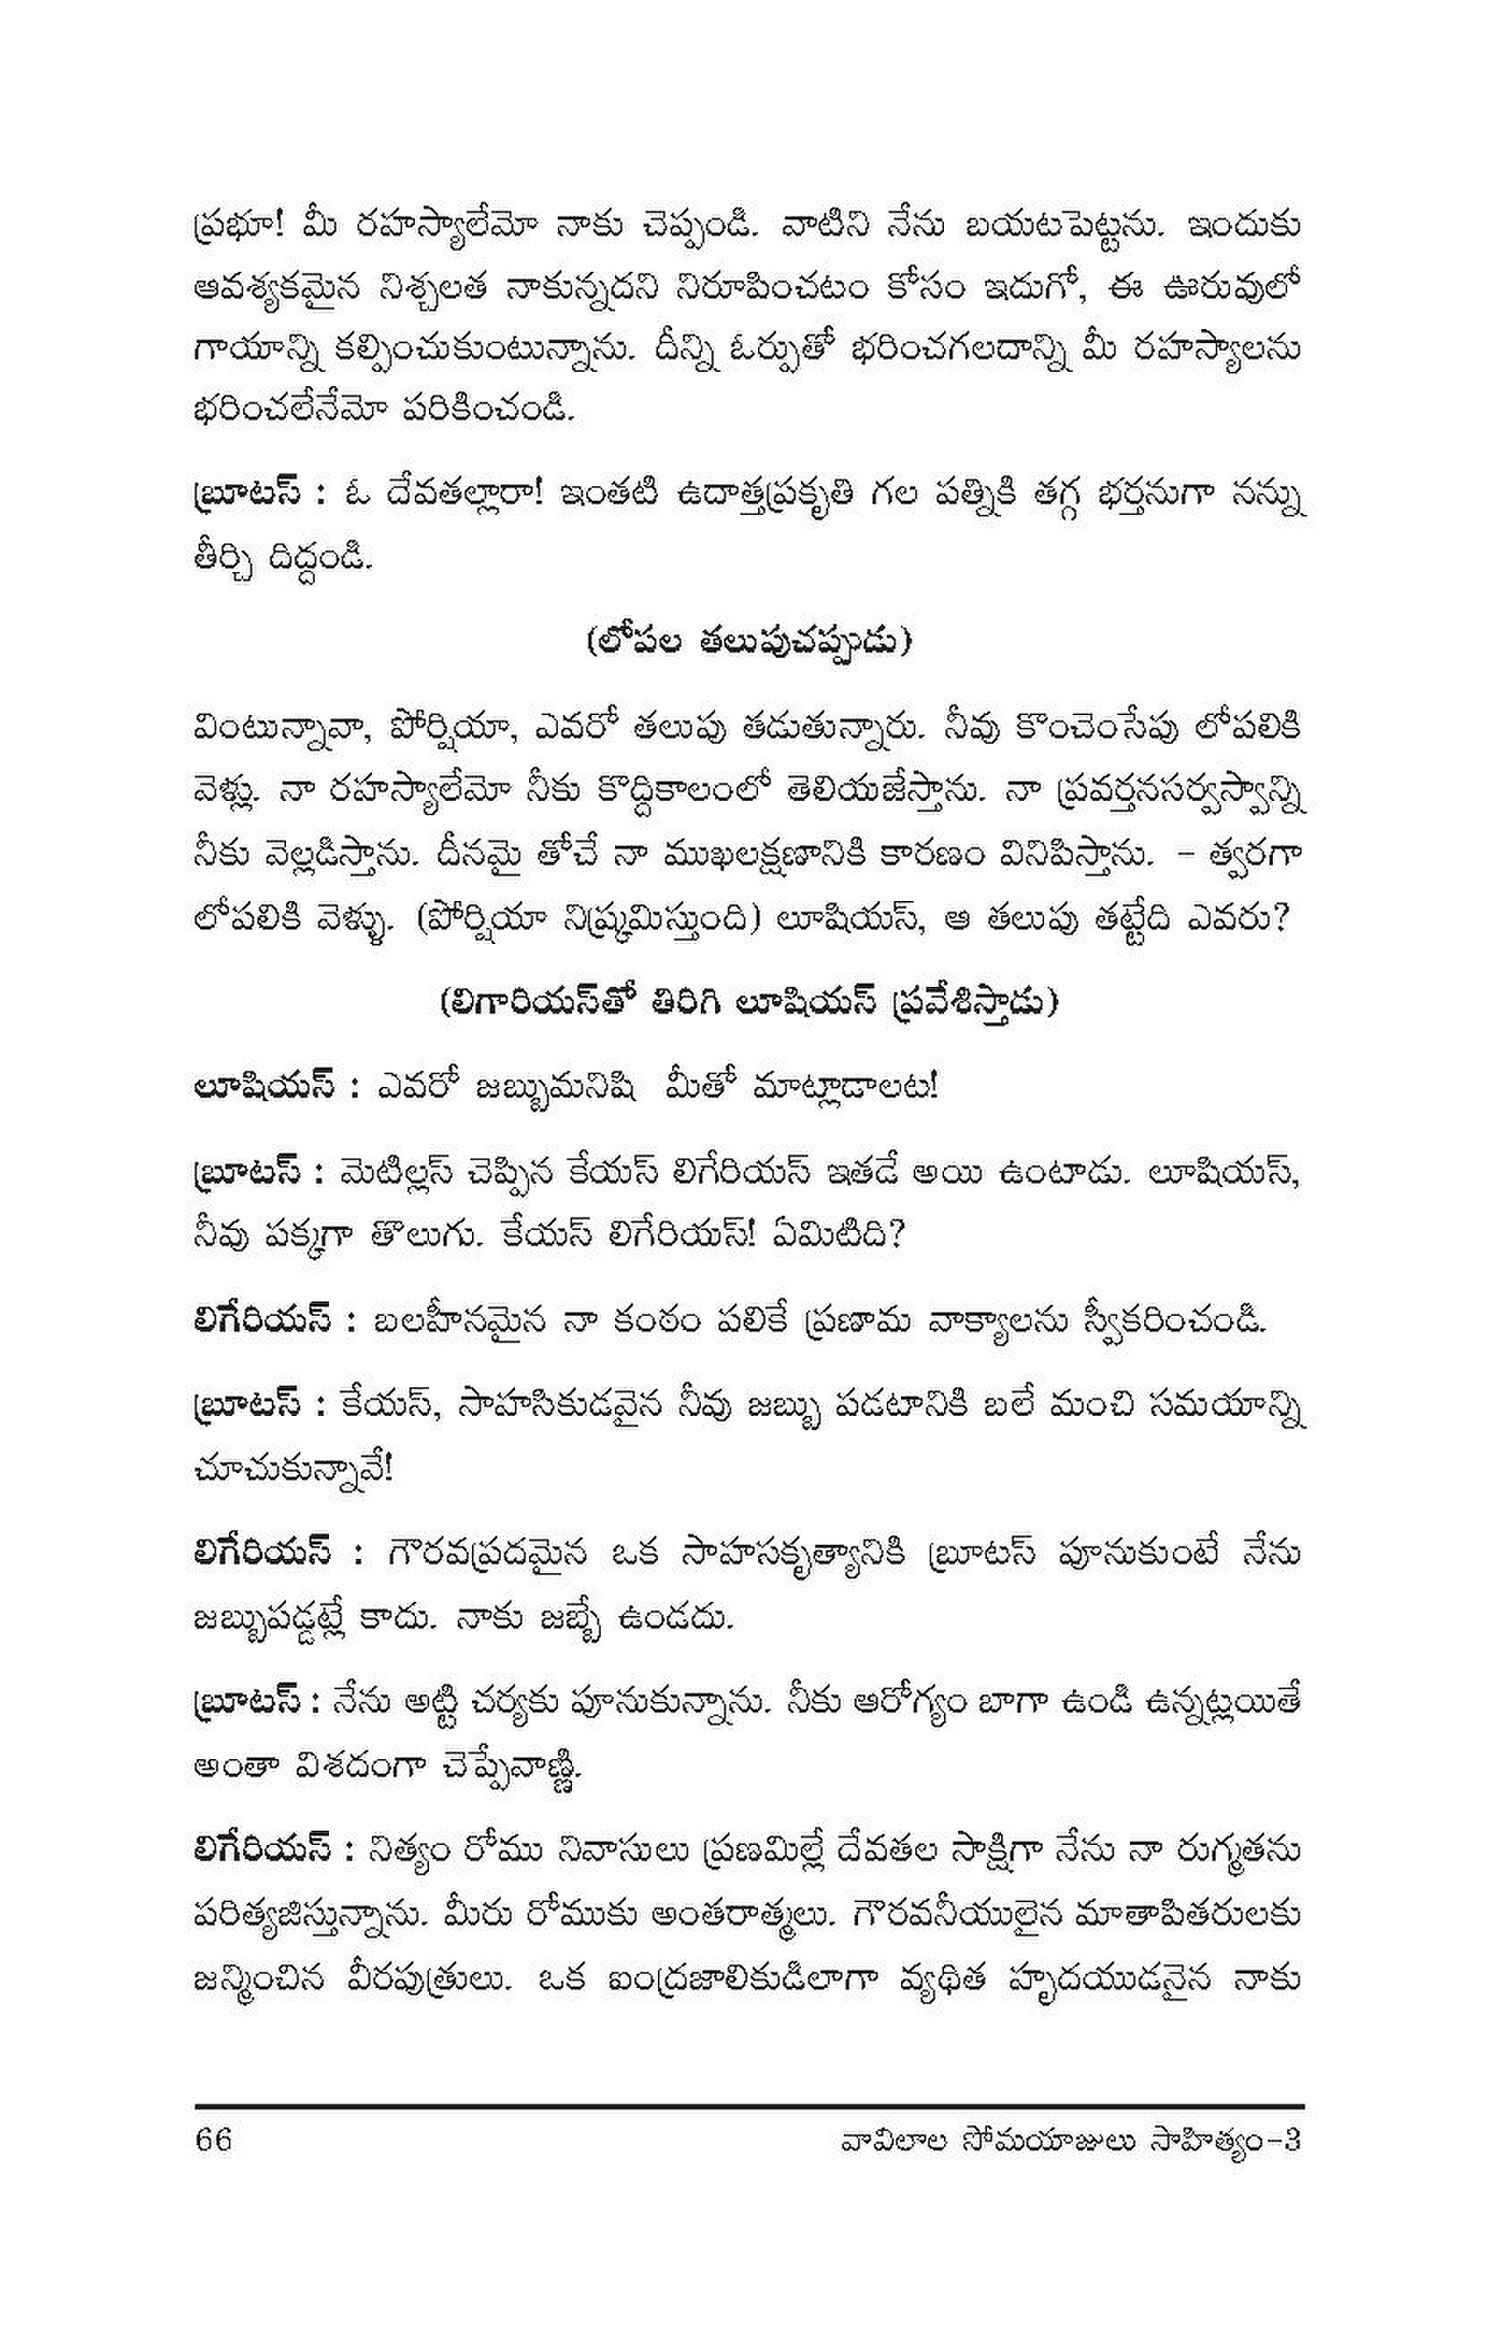ప్రభూ! మీ రహస్యాలేమో నాకు చెప్పండి. వాటిని నేను బయటపెట్టను. ఇందుకు ఆవశ్యకమైన నిశ్చలత నాకున్నదని నిరూపించటం కోసం ఇదుగో, ఈ ఊరువులో గాయాన్ని కల్పించుకుంటున్నాను. దీన్ని ఓర్పుతో భరించగలదాన్ని మీ రహస్యాలను భరించలేనేమో పరికించండి.

బ్రూటస్ : ఓ దేవతల్లారా! ఇంతటి ఉదాత్తప్రకృతి గల పత్నికి తగ్గ భర్తనుగా నన్ను తీర్చి దిద్దండి.

వింటున్నావా, పోర్షియా, ఎవరో తలుపు తడుతున్నారు. నీవు కొంచెంసేపు లోపలికి వెళ్లు. నా రహస్యాలేమో నీకు కొద్ది కాలంలో తెలియజేస్తాను. నా ప్రవర్తన సర్వస్వాన్ని నీకు వెల్లడిస్తాను. దీనమై తోచే నా ముఖలక్షణానికి కారణం వినిపిస్తాను. - త్వరగా లోపలికి వెళ్ళు. (పోర్షియా నిష్క్రమిస్తుంది) లూషియస్, ఆ తలుపు తట్టేది ఎవరు?

లూషియస్ : ఎవరో జబ్బుమనిషి మీతో మాట్లాడాలట!

బ్రూటస్ : మెటిల్లస్ చెప్పిన కేయస్ లిగేరియస్ ఇతడే అయి ఉంటాడు. లూషియస్, నీవు పక్కగా తొలుగు. కేయస్ లిగేరియస్! ఏమిటిది?

లిగేరియస్ : బలహీనమైన నా కంఠం పలికే ప్రణామ వాక్యాలను స్వీకరించండి.

బ్రూటస్ : కేయస్, సాహసికుడవైన నీవు జబ్బు పడటానికి బలే మంచి సమయాన్ని చూచుకున్నావే!

లిగేరియస్ : గౌరవప్రదమైన ఒక సాహసకృత్యానికి బ్రూటస్ పూనుకుంటే నేను జబ్బుపడ్డట్లే కాదు. నాకు జబ్బే ఉండదు.

బ్రూటస్ : నేను అట్టి చర్యకు పూనుకున్నాను. నీకు ఆరోగ్యం బాగా ఉండి ఉన్నట్లయితే అంతా విశదంగా చెప్పేవాణ్ణి.

లిగేరియన్ : నిత్యం రోము నివాసులు ప్రణమిల్లే దేవతల సాక్షిగా నేను నా రుగ్మతను పరిత్యజిస్తున్నాను. మీరు రోముకు అంతరాత్మలు. గౌరవనీయులైన మాతాపితరులకు జన్మించిన వీరపుత్రులు. ఒక ఐంద్రజాలికుడిలాగా వ్యథిత హృదయుడనైన నాకు